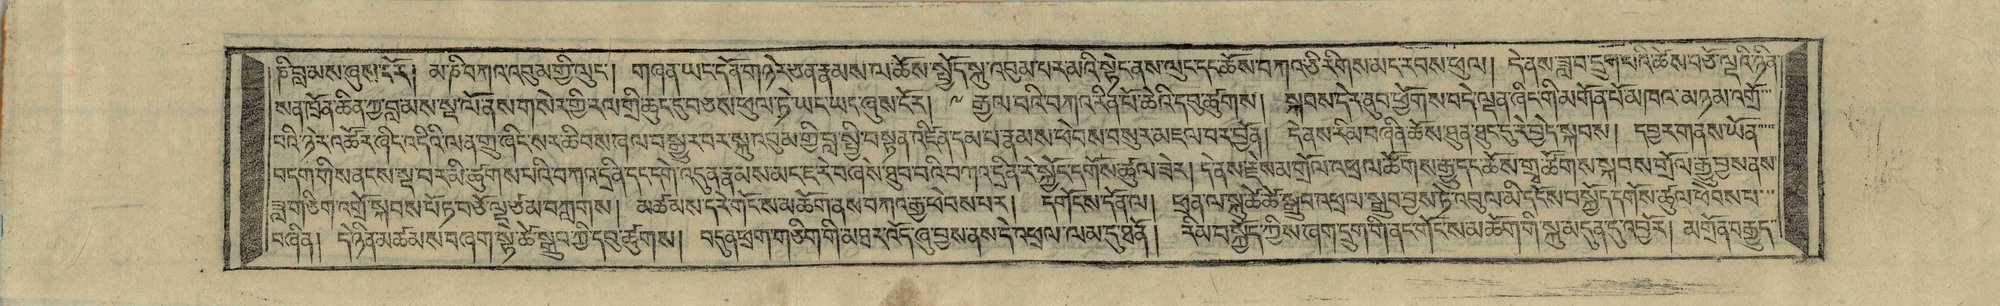ཎི་བླ་མས་ཞུས་ངོར། མ་ཎི་བཀའ་འབུམ་གྱི་ལུང་། གཞན་ཡང་དོན་གཉེར་ཅན་རྣམས་ལ་ཆོས་སྤྱོད་སྐུ་འབུམ་པར་མའི་སྟེང་ནས་ལུང་དང་ཆོས་བཀའ་ཅི་རིགས་མང་རབས་ཕུལ། དེ་ནས་ཟླ་བ་དྲུག་པའི་ཚེས་བཅོ་ལྔའི་ཉིན་
སན་ཁྲོན་ཆིན་ཀྱ་བླ་མས་སྔ་ལོ་ནས་གསེར་གྱི་རལ་གྲི་ཆུང་ངུ་བཅས་ཕུལ་ཏེ་ཡང་ཡང་ཞུས་ངོར། ༧རྒྱལ་བའི་བཀའ་རིན་པོ་ཆེའི་དབུ་ཚུགས། སྐབས་དེར་ནུབ་ཕྱོགས་བདེ་ལྡན་ཞིང་གི་མགོན་པོ་མཁའ་མཉམ་འགྲོ་
བའི་ཉེར་འཚོར་ཞིང་འདིའི་ལན་གྲུ་ཞིང་སར་ཆིབས་ཞལ་བསྒྱུར་བར་སྐུ་འབུམ་གྱི་བླ་སྤྱི་བསྟན་འཛིན་དམ་པ་རྣམས་ཕེབས་བསུར་མཇལ་བར་བྱོན། དེ་ནས་རིམ་བཞིན་ཆོས་ཐུན་ཐུང་དུ་རེ་བྱེད་སྐབས། དབྱར་གནས་ཡོན་
བདག་གིས་ནངས་སྔ་བར་མི་ཚུགས་པའི་བཀའ་དྲིན་དང་དགེ་འདུན་རྣམས་མང་ཇ་རེ་བཞེས་ཐུབ་པའི་བཀའ་དྲིན་རེ་སྐྱོང་དགོས་ཚུལ་ཟེར། དེ་ནས་རྗེས་མ་གྲོལ་འཕྲལ་ཚོགས་རྒྱུ་དང་ཆོས་གྲྭ་ཚོགས་སྐབས་གྲོལ་རྒྱུ་བྱས་ནས་
ཟླ་གཅིག་འགྲོ་སྐབས་པོཏ་བཅོ་ལྔ་ཙམ་བཀླགས། མཚམས་དེར་གོང་ས་མཆོག་ནས་བཀའ་རྒྱ་ཕེབས་པར། དགོངས་དོན་ལ། ཕྲན་ལ་སྐུ་ཚེ་ཚེ་སྒྲུབ་འཕྲལ་སྒྲུབ་བྱས་ཏེ་འབུལ་མི་དངོས་བསྐྱོད་དགོས་ཚུལ་ཕེབས་པ་
བཞིན། དེ་ཉིན་མཚམས་བཞག་སྟེ་ཚེ་སྒྲུབ་ཀྱི་དབུ་ཚུགས། བདུན་ཕྲག་གཅིག་གི་མཐར་འོད་ཞུ་བྱས་ནས་དེ་འཕྲལ་ལམ་དུ་ཐོན། རིམ་བསྐྱོད་ཀྱིས་ཞག་དྲུག་གི་ནང་གོང་ས་མཆོག་གི་སྐུ་མདུན་དུ་འབྱོར། མགྲོན་བརྒྱུད་